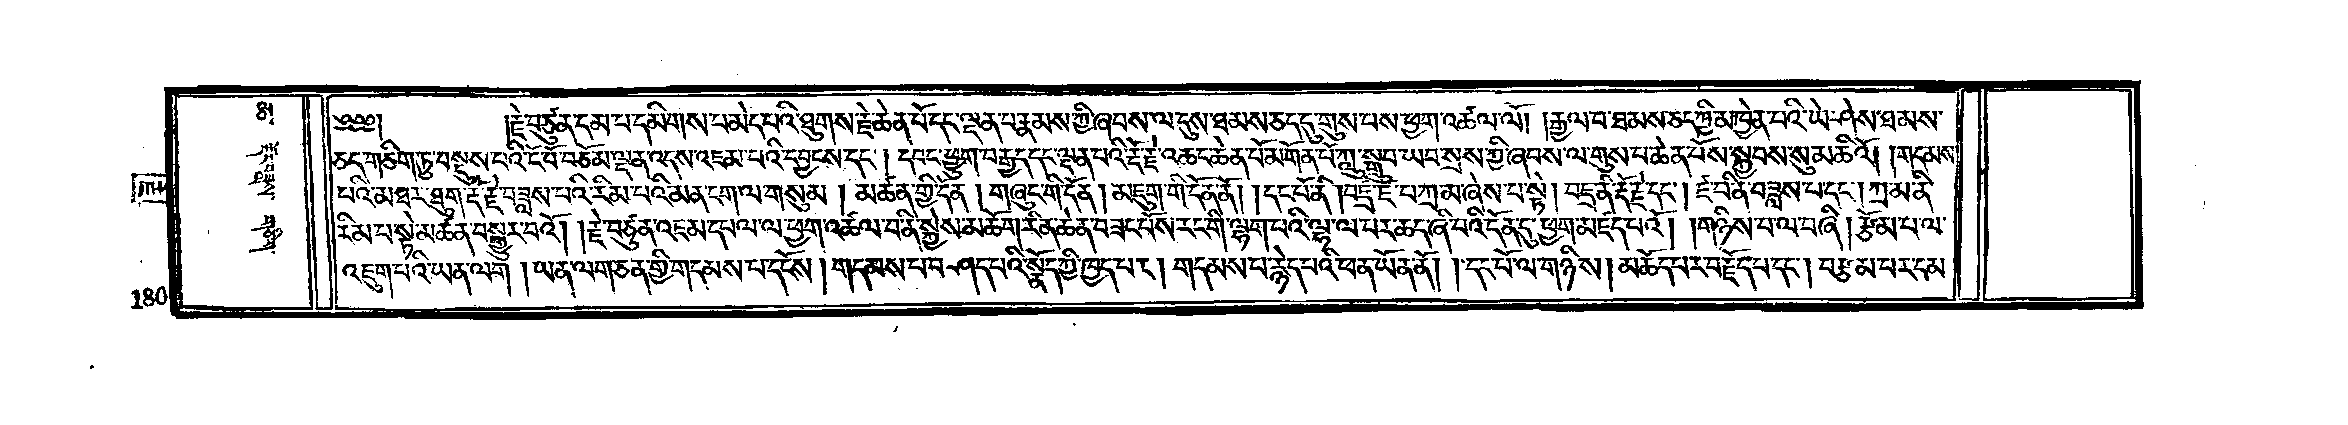༄༅༅། །རྗེ་བཙུན་དམ་པ་དམིགས་པ་མེད་པའི་ཐུགས་རྗེ་ཆེན་པོ་དང་ལྡན་པ་རྣམས་ཀྱི་ཞབས་ལ་དུས་ཐམས་ཅད་དུ་གུས་པས་ཕྱག་འཚལ་ལོ། །རྒྱལ་བ་ཐམས་ཅད་ཀྱི་མཁྱེན་པའི་ཡེ་ཤེས་ཐམས་
ཅད་གཅིག་ཏུ་བསྡུས་པའི་ངོ་བོ་བཅོམ་ལྡན་འདས་འཇམ་པའི་དབྱངས་དང་། དབང་ཕྱུག་བརྒྱད་དང་ལྡན་པའི་རྡོ་རྗེ་འཆང་ཆེན་པོ་མགོན་པོ་ཀླུ་སྒྲུབ་ཡབ་སྲས་ཀྱི་ཞབས་ལ་གུས་པ་ཆེན་པོས་སྐྱབས་སུ་མཆིའོ། །གདམས་
པའི་མཐར་ཐུག་རྡོ་རྗེ་བཟླས་པའི་རིམ་པའི་མན་ངག་ལ་གསུམ། མཚན་གྱི་དོན། གཞུང་གི་དོན། མཇུག་གི་དོན་ནོ། །དང་པོ་ནི། བྫྲ་ཛ་པ་ཀྲ་མ་ཞེས་པ་སྟེ། བྫྲ་ནི་རྡོ་རྗེ་དང་། ཛ་པ་ནི་བཟླས་པ་དང་། ཀྲ་མ་ནི་
རིམ་པ་སྟེ་མཚན་བསྒྱུར་བའོ། །རྗེ་བཙུན་འཇམ་དཔལ་ལ་ཕྱག་འཚལ་བ་ནི་སྐྱེས་མཆོག་རིན་ཆེན་བཟང་པོས་རང་གི་ལྷག་པའི་ལྷ་ལ་བར་ཆད་ཞི་བའི་དོན་དུ་ཕྱག་མཛད་པའོ། །གཉིས་པ་ལ་བཞི། རྩོམ་པ་ལ་
འཇུག་པའི་ཡན་ལག །ཡན་ལག་ཅན་གྱི་གདམས་པ་དངོས། གདམས་པ་བཤད་པའི་སྣོད་ཀྱི་ཁྱད་པར། གདམས་པ་རྙེད་པའི་ཕན་ཡོན་ནོ། །དང་པོ་ལ་གཉིས། མཆོད་པར་བརྗོད་པ་དང་། བརྩམ་པར་དམ་